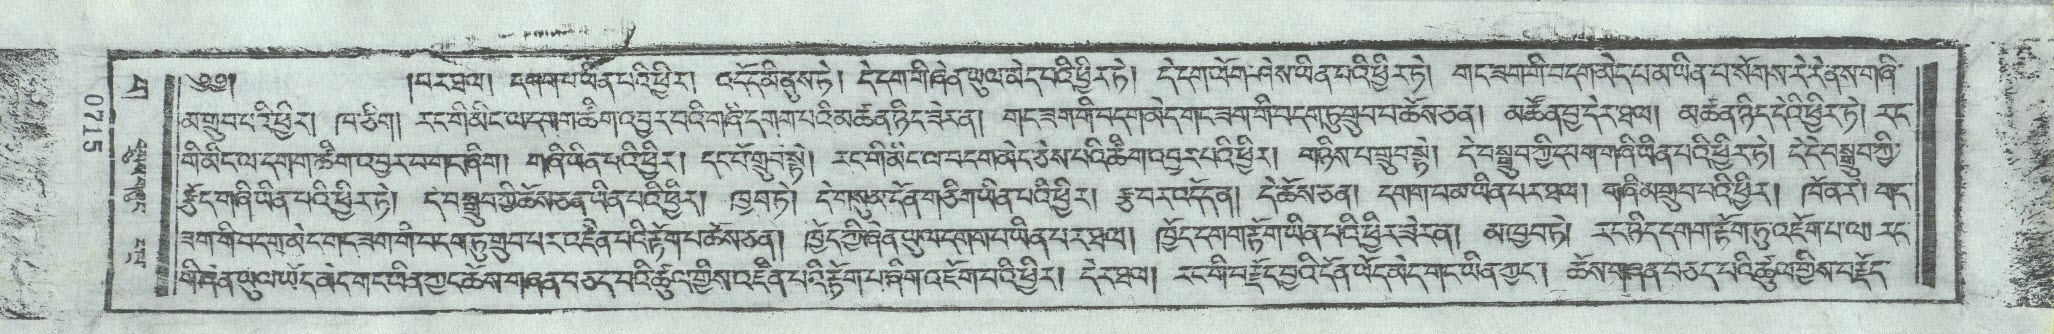༄༅། །པར་ཐལ། དགག་པ་ཡིན་པའི་ཕྱིར། འདོད་མི་ནུས་ཏེ། དེ་དག་གི་ཞེན་ཡུལ་མེད་པའི་ཕྱིར་ཏེ། དེ་དག་ལོག་ཤེས་ཡིན་པའི་ཕྱིར་ཏེ། གང་ཟག་གི་བདག་མེད་པ་མ་ཡིན་པ་སོགས་རེ་རེ་ནས་གཞི་
མ་གྲུབ་པའི་ཕྱིར། ཁ་ཅིག། རང་གི་མིང་ལ་དགག་ཚིག་འབྱར་བའི་གཞི་དགག་པའི་མཚན་ཉིད་ཟེར་ན། གང་ཟག་གི་བདག་མེད་གང་ཟག་གི་བདག་ཏུ་གྲུབ་པ་ཆོས་ཅན། མཚོན་བྱ་དེར་ཐལ། མཚན་ཉིད་དེའི་ཕྱིར་ཏེ། རང་
གི་མིང་ལ་དགག་ཚིག་འབྱར་བ་གང་ཞིག། གཞི་ཡིན་པའི་ཕྱིར། དང་པོ་གྲུབ་སྟེ། རང་གི་མིང་ལ་བདག་མེད་ཅེས་པའི་ཚིག་འབྱར་བའི་ཕྱིར། གཉིས་པ་གྲུབ་སྟེ། དེ་བསྒྲུབ་ཀྱི་དཔག་གཞི་ཡིན་པའི་ཕྱིར་ཏེ། དེ་དེ་བསྒྲུབ་ཀྱི་
རྩོད་གཞི་ཡིན་པའི་ཕྱིར་ཏེ། དེ་བསྒྲུབ་ཀྱི་ཆོས་ཅན་ཡིན་པའི་ཕྱིར། ཁྱབ་ཏེ། དེ་གསུམ་དོན་གཅིག་ཡིན་པའི་ཕྱིར། རྩ་བར་འདོད་ན། དེ་ཆོས་ཅན། དྭགས་པ་མ་ཡིན་པར་ཐལ། གཞི་མ་གྲུབ་པའི་ཕྱིར། ཁོ་ན་རེ། གང་
ཟག་གི་བདག་མེད་གང་ཟག་གི་བདག་ཏུ་གྲུབ་པར་འཛིན་པའི་རྟོག་པ་ཆོས་ཅན། ཁྱོད་ཀྱི་ཞེན་ཡུལ་དགག་པ་ཡིན་པར་ཐལ། ཁྱོད་དགག་རྟོག་ཡིན་པའི་ཕྱིར་ཟེར་ན། མ་ཁྱབ་ཏེ། རང་ཉིད་དགག་རྟོག་ཏུ་འཇོག་པ་ལ། རང་
གི་ཞེན་ཡུལ་ཡོད་མེད་གང་ཡིན་ཀྱང་ཆོས་གཞན་བཅད་པའི་ཚུལ་གྱིས་འཛིན་པའི་རྟོག་པ་ཞིག་འཇོག་པའི་ཕྱིར། དེར་ཐལ། རང་གི་བརྗོད་བྱའི་དོན་ཡོད་མེད་གང་ཡིན་ཀྱང་། ཆོས་གཞན་བཅད་པའི་ཚུལ་གྱིས་བརྗོད་